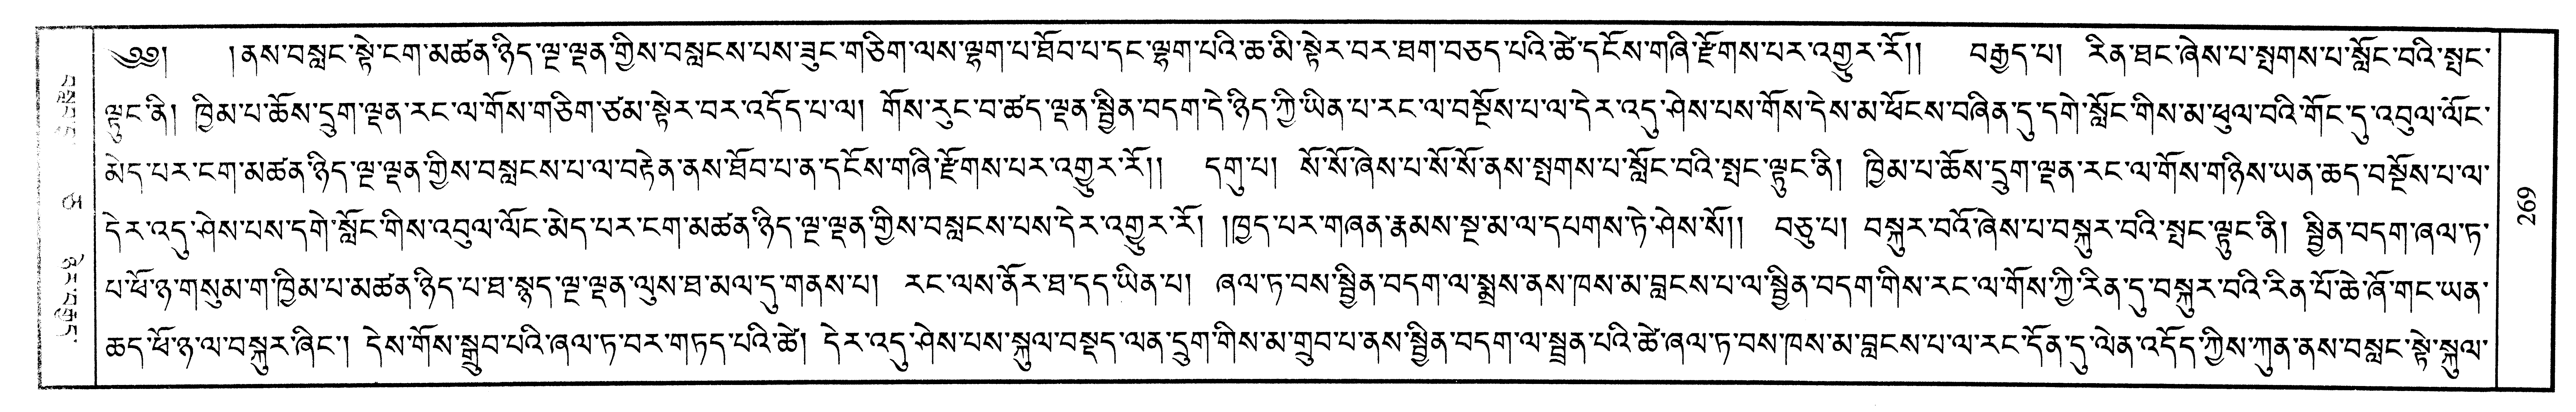༄༅། །ནས་བསླང་སྟེ་ངག་མཚན་ཉིད་ལྔ་ལྡན་གྱིས་བསླངས་པས་ཟུང་གཅིག་ལས་ལྷག་པ་ཐོབ་པ་དང་ལྷག་པའི་ཆ་མི་སྟེར་བར་ཐག་བཅད་པའི་ཚེ་དངོས་གཞི་རྫོགས་པར་འགྱུར་རོ།། བརྒྱད་པ། རིན་ཐང་ཞེས་པ་སྤགས་པ་སློང་བའི་སྤང་
ལྟུང་ནི། ཁྱིམ་པ་ཆོས་དྲུག་ལྡན་རང་ལ་གོས་གཅིག་ཙམ་སྟེར་བར་འདོད་པ་ལ། གོས་རུང་བ་ཚད་ལྡན་སྦྱིན་བདག་དེ་ཉིད་ཀྱི་ཡིན་པ་རང་ལ་བསྔོས་པ་ལ་དེར་འདུ་ཤེས་པས་གོས་དེས་མ་ཕོངས་བཞིན་དུ་དགེ་སློང་གིས་མ་ཕུལ་བའི་གོང་དུ་འབུལ་ལོང་
མེད་པར་ངག་མཚན་ཉིད་ལྔ་ལྡན་གྱིས་བསླངས་པ་ལ་བརྟེན་ནས་ཐོབ་པ་ན་དངོས་གཞི་རྫོགས་པར་འགྱུར་རོ།། དགུ་པ། སོ་སོ་ཞེས་པ་སོ་སོ་ནས་སྤགས་པ་སློང་བའི་སྤང་ལྟུང་ནི། ཁྱིམ་པ་ཆོས་དྲུག་ལྡན་རང་ལ་གོས་གཉིས་ཡན་ཆད་བསྔོས་པ་ལ་
དེར་འདུ་ཤེས་པས་དགེ་སློང་གིས་འབུལ་ལོང་མེད་པར་ངག་མཚན་ཉིད་ལྔ་ལྡན་གྱིས་བསླངས་པས་དེར་འགྱུར་རོ། །ཁྱད་པར་གཞན་རྣམས་སྔ་མ་ལ་དཔགས་ཏེ་ཤེས་སོ།། བཅུ་པ། བསྐུར་བའོ་ཞེས་པ་བསྐུར་བའི་སྤང་ལྟུང་ནི། སྦྱིན་བདག་ཞལ་ཏ་
པ་ཕོ་ཉ་གསུམ་ག་ཁྱིམ་པ་མཚན་ཉིད་པ་ཐ་སྙད་ལྔ་ལྡན་ལུས་ཐ་མལ་དུ་གནས་པ། རང་ལས་ནོར་ཐ་དད་ཡིན་པ། ཞལ་ཏ་བས་སྦྱིན་བདག་ལ་སྨྲས་ནས་ཁས་མ་བླངས་པ་ལ་སྦྱིན་བདག་གིས་རང་ལ་གོས་ཀྱི་རིན་དུ་བསྐུར་བའི་རིན་པོ་ཆེ་ཞོ་གང་ཡན་
ཆད་ཕོ་ཉ་ལ་བསྐུར་ཞིང་། དེས་གོས་སྒྲུབ་པའི་ཞལ་ཏ་བར་གཏད་པའི་ཚེ། དེར་འདུ་ཤེས་པས་སྐུལ་བསྡད་ལན་དྲུག་གིས་མ་གྲུབ་པ་ནས་སྦྱིན་བདག་ལ་སྦྲན་པའི་ཚེ་ཞལ་ཏ་བས་ཁས་མ་བླངས་པ་ལ་རང་དོན་དུ་ལེན་འདོད་ཀྱིས་ཀུན་ནས་བསླང་སྟེ་སྐུལ་